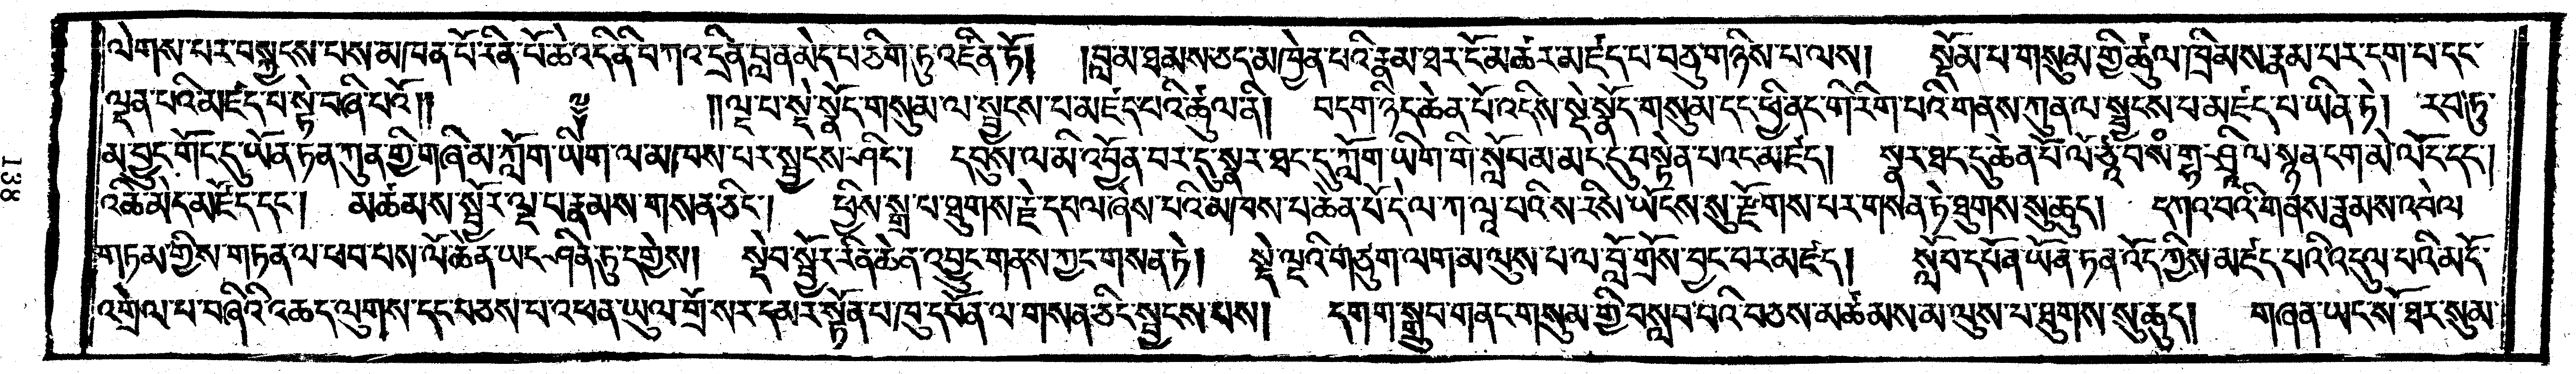ལེགས་པར་བསྐྱངས་པས་མཁན་པོ་རིན་པོ་ཆེ་འདི་ནི་བཀའ་དྲིན་བླ་ན་མེད་པ་ཅིག་ཏུ་འཛིན་ཏོ། །བླ་མ་ཐམས་ཅད་མཁྱེན་པའི་རྣམ་ཐར་ངོ་མཚར་མཛད་པ་བཅུ་གཉིས་པ་ལས། སྡོམ་པ་གསུམ་གྱི་ཚུལ་ཁྲིམས་རྣམ་པར་དག་པ་དང་
ལྡན་པའི་མཛད་པ་སྟེ་བཞི་པའོ།། ༈ །།ལྔ་པ་སྡེ་སྣོད་གསུམ་ལ་སྦྱངས་པ་མཛད་པའི་ཚུལ་ནི། བདག་ཉིད་ཆེན་པོ་འདིས་སྡེ་སྣོད་གསུམ་དང་ཕྱི་ནང་གི་རིག་པའི་གནས་ཀུན་ལ་སྦྱངས་པ་མཛད་པ་ཡིན་ཏེ། རབ་ཏུ་
མ་བྱུང་གོང་དུ་ཡོན་ཏན་ཀུན་གྱི་གཞི་མ་ཀློག་ཡིག་ལ་མཁས་པར་སྦྱངས་ཤིང་། དབུས་ལ་མི་འབྱོན་པར་དུ་སྣར་ཐང་དུ་ཀློག་ཡིག་གི་སློབ་མ་མང་དུ་བསྟེན་པའང་མཛད། སྣར་ཐང་དུ་ཆེན་པོ་ལོ་ཙཱ་བ་སཾ་གྷ་ཤྲཱི་ལ་སྙན་ངག་མེ་ལོང་དང་།
འཆི་མེད་མཛོད་དང་། མཚམས་སྦྱོར་ལྔ་པ་རྣམས་གསན་ཅིང་། ཕྱིས་སྒྲ་པ་ཐུགས་རྗེ་དཔལ་ཞེས་པའི་མཁས་པ་ཆེན་པོ་དེ་ལ་ཀ་ལཱ་པའི་ས་རིས་ཡོངས་སུ་རྫོགས་པར་གསན་ཏེ་ཐུགས་སུ་ཆུད། དཀའ་བའི་གནས་རྣམས་འབེལ་
གཏམ་གྱིས་གཏན་ལ་ཕབ་པས་ལོ་ཆེན་ཡང་ཤིན་ཏུ་དགྱེས། སྡེབ་སྦྱོར་རིན་ཆེན་འབྱུང་གནས་ཀྱང་གསན་ཏེ། སྡེ་ལྔའི་གཙུག་ལག་མ་ལུས་པ་ལ་བློ་གྲོས་བྱང་བར་མཛད། སློབ་དཔོན་ཡོན་ཏན་འོད་ཀྱིས་མཛད་པའི་འདུལ་བའི་མདོ་
འགྲེལ་པ་བཞིའི་འཆད་ལུགས་དང་བཅས་པ་འཕན་ཡུལ་གྲོ་སར་དམར་སྟོན་པ་ཁུ་དཔོན་ལ་གསན་ཅིང་སྦྱངས་པས། དགག་སྒྲུབ་གནང་གསུམ་གྱི་བསླབ་པའི་བཅས་མཚམས་མ་ལུས་པ་ཐུགས་སུ་ཆུད། གཞན་ཡང་སོ་ཐར་སུམ་